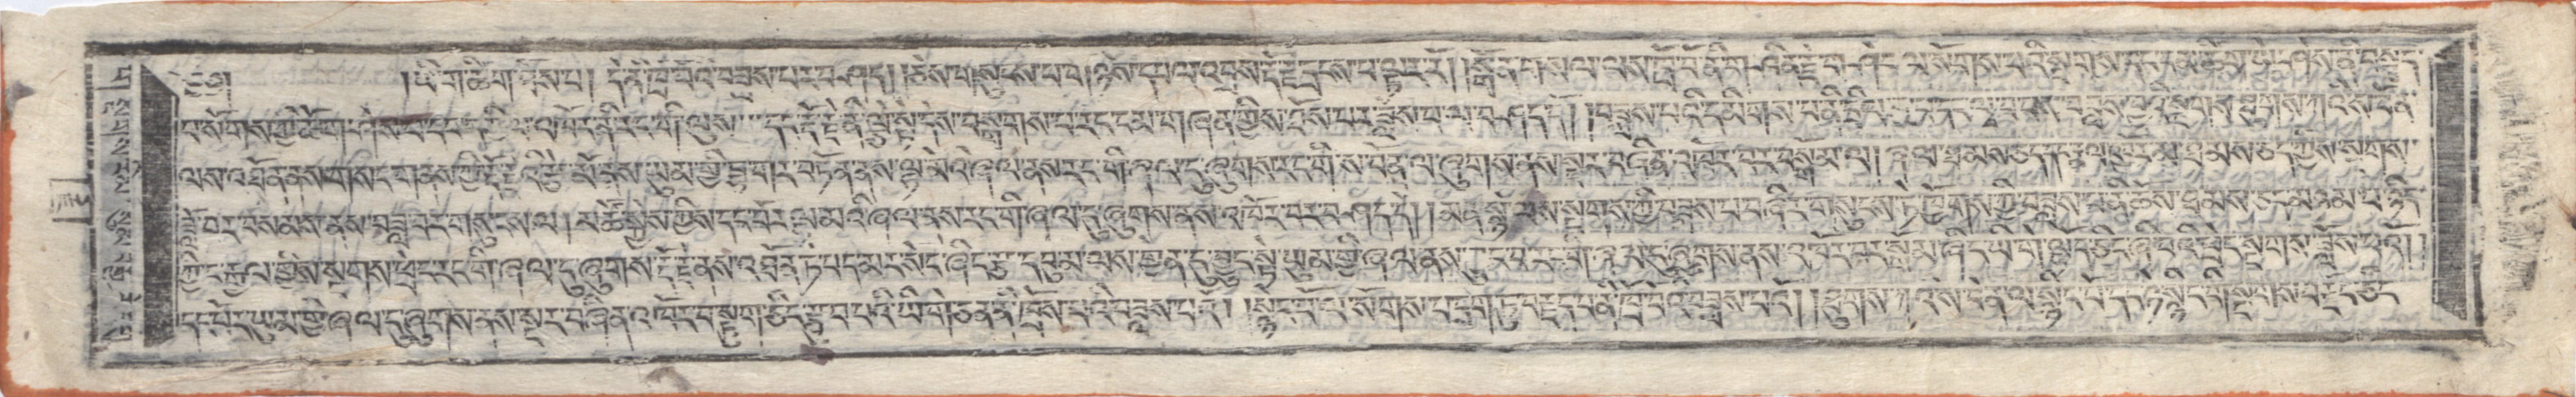༄༅། །ཡི་གེ་ཚིག་ཐོས་པ། དེ་ནི་ཁྲོ་བོའི་བཟླས་པར་བཤད། །ཅེས་གསུངས་པ་གཉིས་དཔལ་འབྲས་རྡོ་རྗེ་དྲངས་པ་ལྟར་རོ། །སྒྲོན་གསལ་ལས་ཁྲོ་བོ་ནི་གཤིན་རྗེ་གཤེད་ལ་སོགས་པའི་སྔགས་དང་དམ་ཚིག་ཡེ་ཤེས་ནི་བསྐྲད་
པ་སོགས་ཀྱི་ཆོ་ག་ཤེས་པ་དང་དཀྱིལ་འཁོར་ནི་རང་གི་ལུས་དང་རྡོ་རྗེ་ནི་ལྕེ་སྟེ་དེས་བསྒྲགས་པ་རང་ངམ་གཞན་གྱིས་ཐོས་པར་ཟློས་པ་ལ་བཤད་དོ། །བཟླས་པའི་དམིགས་པ་ནི་དྲིལ་བུ་པ་དང་ལྭ་བ་པས་བཟླས་བྱའི་སྔགས་ཐུགས་ཀའི་ས་བོན་
ལས་འཐོན་ནས་གསང་གནས་ཀྱི་རྡོ་རྗེའི་རྩེ་མོ་ནས་ཡུམ་གྱི་བྷ་གར་བཏོན་ནས་ལྷ་མོའི་ཞལ་ནས་རང་གི་ཞལ་དུ་ཞུགས་རང་གི་ས་བོན་ལ་ཞུགས་ནས་སྔར་བཞིན་འཁོར་བར་བསྒོམ་ལ། ཞལ་ཐམས་ཅད་དང་རྣལ་འབྱོར་མ་ཐམས་ཅད་ཀྱིས་སྔགས་
ཟློ་བར་བསམས་ནས་བཟླ་བར་གསུངས་ལ། མཚོ་སྐྱེས་ཀྱིས་དང་པོར་ལྷ་མའི་ཞལ་ནས་རང་གི་ཞལ་དུ་ཞུགས་ནས་འཁོར་བར་བཤད་དོ། །མན་སྙེ་ལས་སྔགས་ཀྱི་བཟླས་པ་བཞིར་གསུངས་ཏེ་ཁྱོགས་ཀྱི་བཟླས་པ་ནི་ཆོས་ཐམས་ཅད་མཉམ་པ་ཉིད་
ཀྱི་ང་རྒྱལ་གྱིས་སྔགས་ཕྲེང་རང་གི་ཞལ་དུ་ཞུགས་རྡོ་རྗེ་ནས་འཐོན་ཏེ་པད་མར་སོང་ཞིང་རྩ་དབུ་མ་ལས་གྱེན་དུ་བྱུང་སྟེ་ཡུམ་གྱི་ཞལ་ནས་བྱུང་བ་རང་གི་ཞལ་དུ་ཞུགས་ནས་འཁོར་བར་སྒོམ་ཞིང་ཡི་གེ་ལྷོད་ཅིང་ཞི་བའི་ཕྲེང་སྔགས་ཟློས་པའོ། །
དང་པོར་ཡུམ་གྱི་ཞལ་དུ་ཞུགས་ནས་སྔར་བཞིན་འཁོར་བ་སྟུག་ཅིང་རྩུབ་པའི་ཡི་གེ་ཅན་ནི་ཁྲོས་པའི་བཟླས་པའོ། །སྙིང་པོ་ལ་སོགས་པ་དྲག་ཏུ་བརྗོད་པ་ནི་ཁྲོ་བོའི་བཟླས་པའོ། །ཐུགས་ཀའི་ས་བོན་ལ་སྙིང་པོ་དང་ཉེ་སྙིང་གི་སྔགས་བརྗོད་ཅིང་